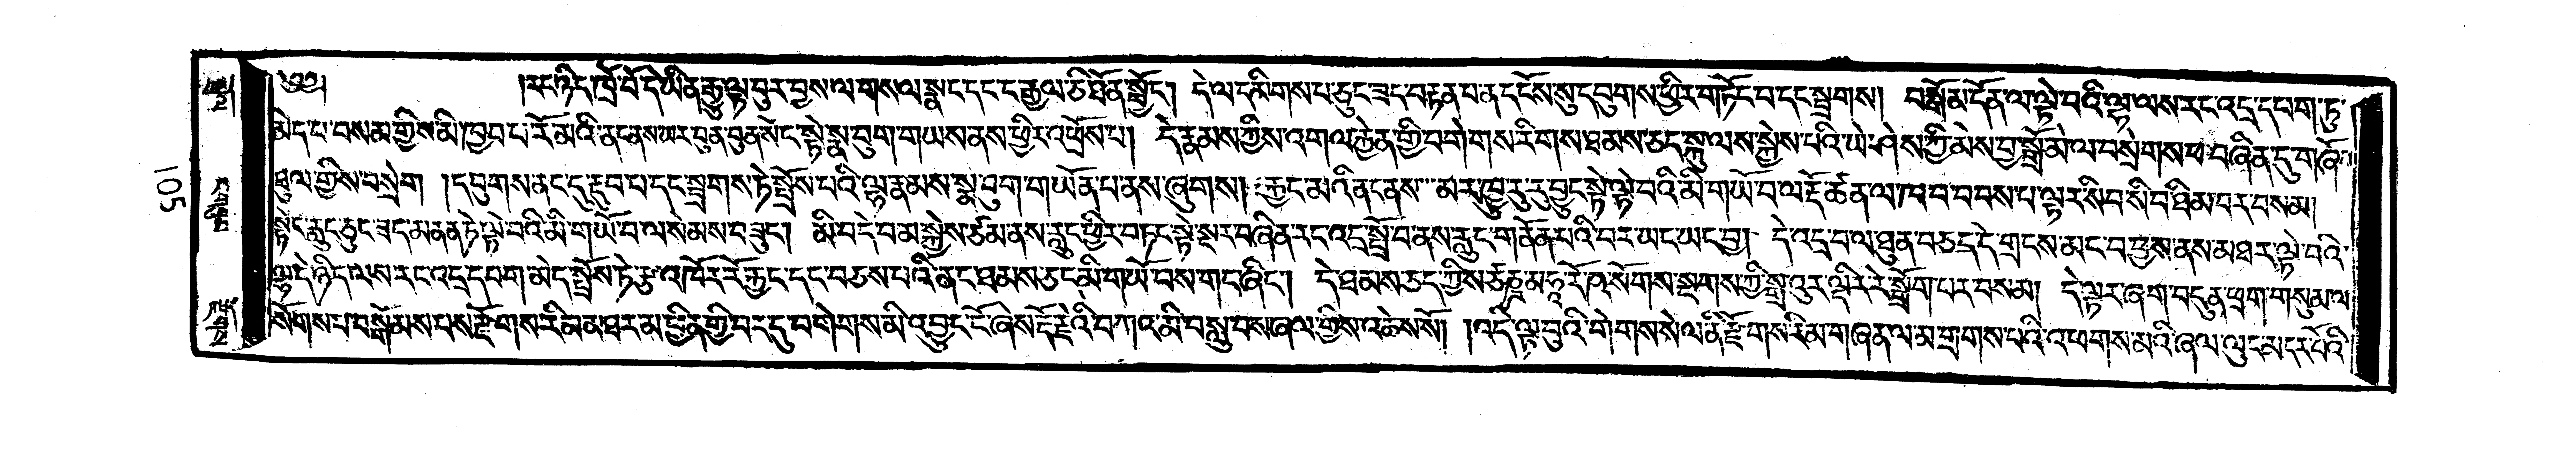༄༅། །རང་ཉིད་ཁྲོ་བོ་དེ་ཡིན་རྒྱུ་ལྟ་བུར་བྱས་ལ་གསལ་སྣང་དང་ང་རྒྱལ་ཅི་ཐོན་སྤྱོང་། དེ་ལ་དམིགས་པ་ཅུང་ཟད་བརྟན་པ་ན་དངོས་སུ་དཔུགས་ཕྱིར་གཏོང་བ་དང་སྦྲགས། བསྒོམ་དོན་ལ་ལྟེ་བའི་ལྷ་ལས་རང་འདྲ་དཔག་ཏུ་
མེད་པ་བསམ་གྱིས་མི་ཁྱབ་པ་རོ་མའི་ནང་ནས་ཡར་བུན་བུན་སོང་སྟེ་སྣ་བུག་གཡས་ནས་ཕྱིར་འཕྲོས་པ། དེ་རྣམས་ཀྱིས་འགལ་རྐྱེན་གྱི་བགེགས་རིགས་ཐམས་ཅད་སྐུ་ལས་སྐྱེས་པའི་ཡེ་ཤེས་ཀྱི་མེས་བྱ་སྒྲོ་མེ་ལ་བསྲེགས་པ་བཞིན་དུ་གཞོབ་
ཐུལ་གྱིས་བསྲེག །དབུགས་ནང་དུ་རྡུབ་པ་དང་སྦྲགས་ཏེ་སྤྲོས་པའི་ལྷ་རྣམས་སྣ་བུག་གཡོན་པ་ནས་ཞུགས། རྐྱང་མའི་ནང་ནས་མར་ཁྱུ་རུ་རུ་བྱུང་སྟེ་ལྟེ་བའི་མི་གཡོ་བ་ལ་རྡོ་ཚན་ལ་ཁ་བ་བབས་པ་ལྟར་སིབ་སིབ་ཐིམ་པར་བསམ།
སྟེང་རླུང་ཅུང་ཟད་མནན་ཏེ་ལྟེ་བའི་མི་གཡོ་བ་ལ་སེམས་བཟུང་། མི་བདེ་བ་མ་སྐྱེས་ཙམ་ནས་རླུང་ཕྱིར་བཏང་སྟེ་སྔར་བཞིན་རང་འདྲ་སྤྲོ་བ་ནས་རླུང་གནོན་པའི་བར་ཡང་ཡང་བྱ། དེ་འདྲ་བ་ལ་ཐུན་བཅད་དེ་གྲངས་མང་བ་བྱས་ནས་མཐར་ལྟེ་བའི་
ལྷ་དེ་ཉིད་ལས་རང་འདྲ་དཔག་མེད་སྤྲོས་ཏེ་རྩ་འཁོར་རོ་རྐྱང་དང་བཅས་པའི་ནང་ཐམས་ཅད་མི་གཡོ་བས་གང་ཞིང་། དེ་ཐམས་ཅད་ཀྱིས་ཙཎྜ་མཧཱ་རོ་ཥ་སོགས་སྔགས་ཀྱི་སྒྲ་འུར་དིར་རེ་སྒྲོག་པར་བསམ། དེ་ལྟར་ཞག་བདུན་ཕྲག་གསུམ་ལ་
སོགས་བ་བསྒོམས་པས་རྫོགས་རིམ་མཐར་མ་ཕྱིན་གྱི་བར་དུ་བགེགས་མི་འབྱུང་ངོ་ཞེས་རྡོ་རྗེའི་བཀའ་མི་སླུ་བས་ཞལ་གྱིས་འཆེས་སོ། །འདི་ལྟ་བུའི་གེགས་སེལ་ནི་རྫོགས་རིམ་གཞན་ལ་མ་གྲག་པའི་འཕགས་མའི་ཞལ་ལུང་མངར་པོའི་